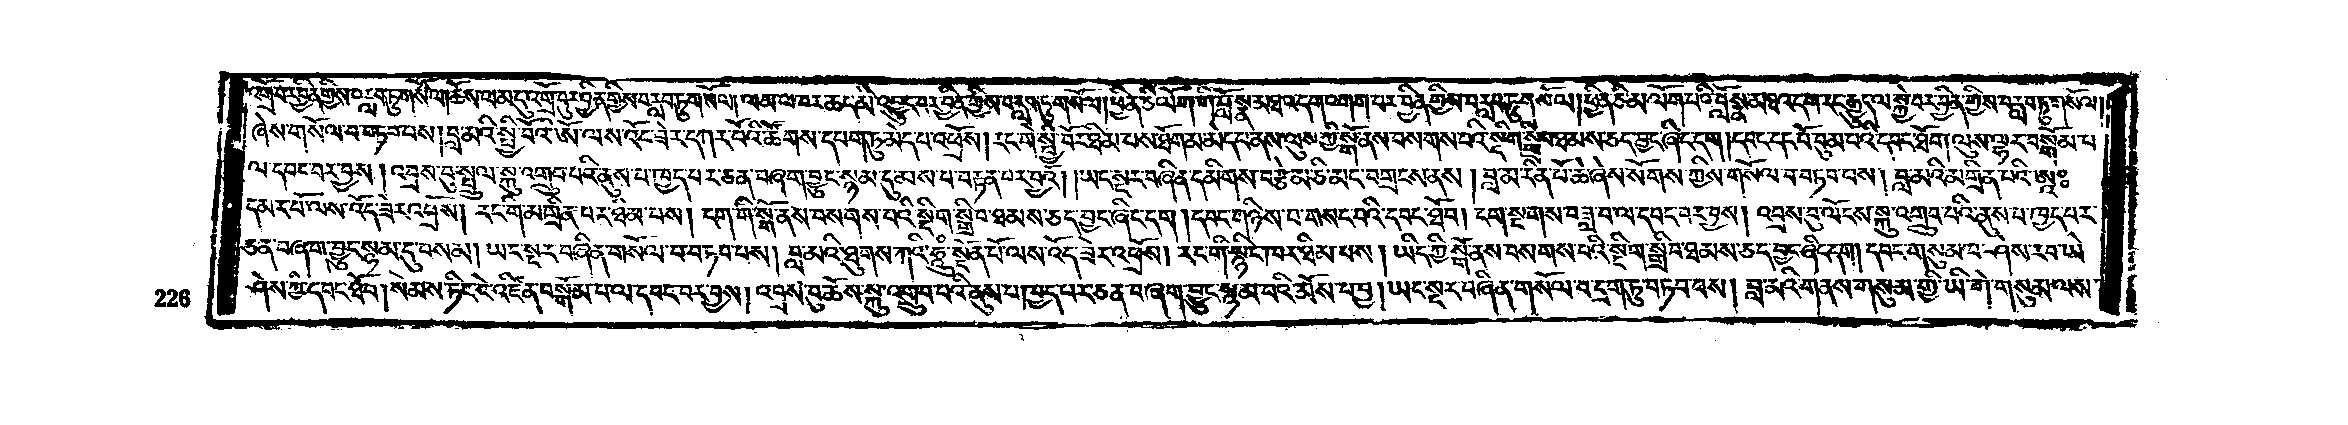འགྲོ་བར་བྱིན་གྱིས་བརླབ་ཏུ་གསོལ། ཆོས་ལམ་དུ་འགྲོ་བུར་བྱིན་གྱིས་བརླབ་ཏུ་གསོལ། ལམ་ལ་བར་ཆད་མི་འབྱུང་བར་བྱིན་གྱིས་བརླབ་ཏུ་གསོལ། ཕྱིན་ཅི་ལོག་གི་བློ་སྣ་མཐའ་དག་འགག་པར་བྱིན་གྱིས་བརླབ་ཏུ་གསོལ། ཕྱིན་ཅི་མ་ལོག་པའི་བློ་སྣ་མཐའ་དག་རང་རྒྱུད་ལ་སྐྱེ་བར་བྱིན་གྱིས་བརླབ་ཏུ་གསོལ།
ཞེས་གསོལ་བ་བཏབ་པས། བླ་མའི་སྤྱི་བོའི་ཨོཾ་ལས་འོད་ཟེར་དཀར་པོའི་ཚོགས་དཔག་ཏུ་མེད་པ་འཕྲོས། རང་གི་སྤྱི་བོར་ཐིམ་པས་ཐོག་མ་མེད་པ་ནས་ལུས་ཀྱི་སྒོ་ནས་བསགས་པའི་སྡིག་སྒྲིབ་ཐམས་ཅད་བྱང་ཞིང་དག །དབང་དང་པོ་བུམ་པའི་དབང་ཐོག་ལུས་ལྷར་བསྒོམ་པ་
ལ་དབང་བར་བྱས། འབྲས་བུ་སྤྲུལ་སྐུ་འགྲུབ་པའི་ནུས་པ་ཁྱད་པར་ཅན་བཞག་བྱུང་སྙམ་དུ་མས་པ་བརྟན་པར་བྱའོ། །ཡང་སྔར་བཞིན་དམིགས་བརྩེ་མ་ཅི་མང་བགྲངས་ནས། བླ་མ་རིན་པོ་ཆེ་ཞེས་སོགས་ཀྱིས་གསོལ་བ་བཏབ་པས། བླ་མའི་མགྲིན་པའི་ཨཱཿ
དམར་པོ་ལས་འོད་ཟེར་འཕྲོས། རང་གི་མགྲིན་པར་ཐིམ་པས། ངག་གི་སྒོ་ནས་བསགས་པའི་སྡིག་སྒྲིབ་ཐམས་ཅད་བྱང་ཞིང་དག །དབང་གཉིས་པ་གསང་བའི་དབང་ཐོབ། ངག་སྔགས་བཟླ་བ་ལ་དབང་བར་བྱས། འབྲས་བུ་ལོངས་སྐུ་འགྲུབ་པའི་ནུས་པ་ཁྱད་པར་
ཅན་བཞག་བྱུང་སྙམ་དུ་བསམ། ཡང་སྔར་བཞིན་གསོལ་བ་བཏབ་པས། བླ་མའི་ཐུགས་ཀའི་ཧཱུཾ་སྔོན་པོ་ལས་འོད་ཟེར་འཕྲོས། རང་གི་སྙིང་ཁར་ཐིམ་པས། ཡིད་ཀྱི་སྒོ་ནས་བསགས་པའི་སྡིག་སྒྲིབ་ཐམས་ཅད་བྱང་ཞིང་དག། དབང་གསུམ་པ་ཤེས་རབ་ཡེ་
ཤེས་ཀྱི་དབང་ཐོབ། སེམས་ཏིང་ངེ་འཛིན་བསྒོམ་པ་ལ་དབང་བར་བྱས། འབྲས་བུ་ཆོས་སྐུ་འགྲུབ་པའི་ནུས་པ་ཁྱད་པར་ཅན་བཞག་བྱུང་སྙམ་པའི་མོས་པ་བྱ། ཡང་སྔར་བཞིན་གསོལ་བ་དྲག་ཏུ་བཏབ་པས། བླ་མའི་གནས་གསུམ་གྱི་ཡི་གེ་གསུམ་ལས་